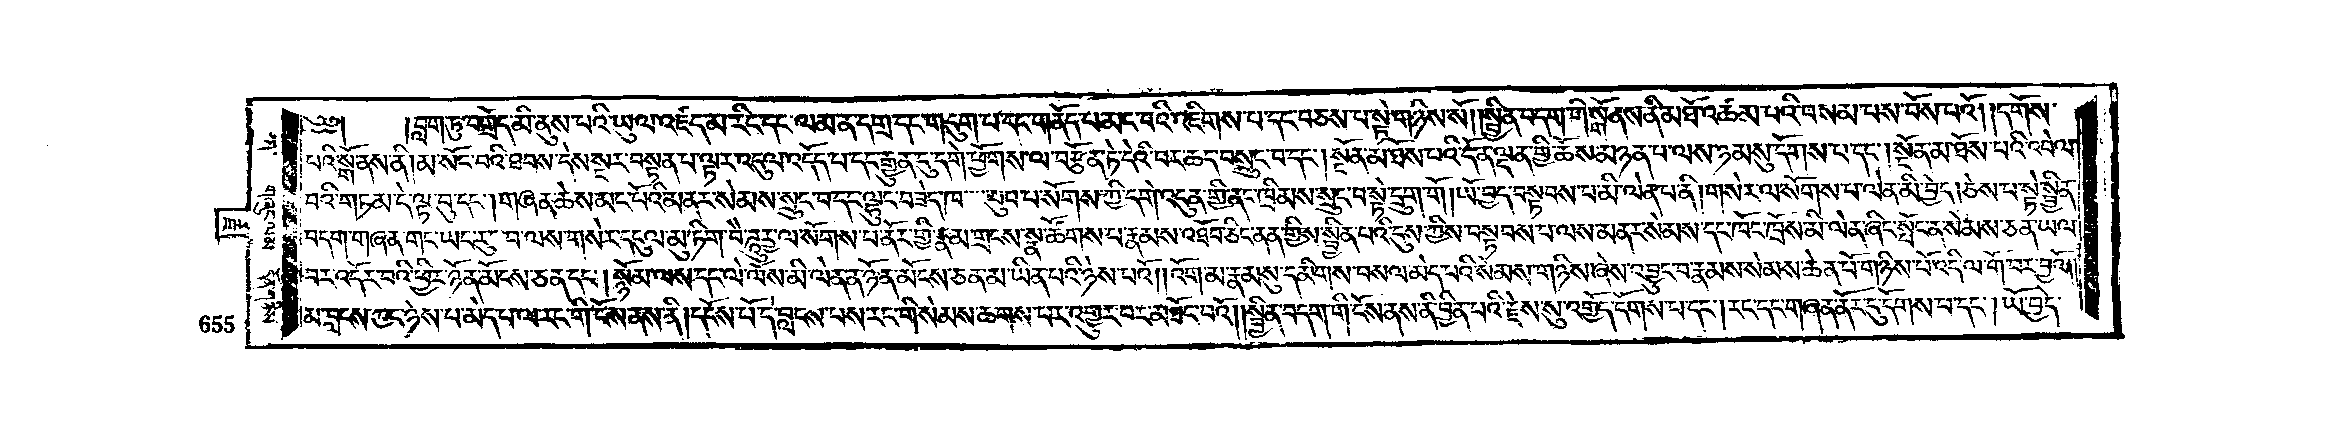༄༅། །བླག་ཏུ་བགྲོད་མི་ནུས་པའི་ཡུལ་འཛད་མ་རིང་དང་ལམ་ན་དགྲ་དང་གདུག་པ་དང་གནོད་པ་མང་བའི་འཇིགས་པ་དང་བཅས་པ་སྟེ་གཉིས་སོ། །སྦྱིན་བདག་གི་སྒོ་ནས་ནི་མཐོ་འཚམ་པའི་བསམ་པས་བོས་པའོ། །དགོས་
པའི་སྒོ་ནས་ནི། མ་སོང་བའི་ཐབས་དེས་སྔར་བསྟན་པ་ལྟར་འདུལ་འདོད་པ་དང་རྒྱུན་དུ་དགེ་ཕྱོགས་ལ་བརྩོན་ཏེ་དེའི་བར་ཆད་བསྲུང་བ་དང་། སྔོན་མ་ཐོས་པའི་དོན་ལྡན་གྱི་ཆོས་མཉན་པ་ལས་ཉམས་སུ་དོགས་པ་དང་། སྔོན་མ་ཐོས་པའི་འབེལ་
བའི་གཏམ་དེ་ལྟ་བུ་དང་། གཞན་ཆེས་མང་པོའི་མནར་སེམས་སྲུང་བ་དང་ལྷུང་བཟེད་ཁ་བུབ་པ་སོགས་ཀྱི་དགེ་འདུན་གྱི་ནང་ཁྲིམས་སྲུང་བ་སྟེ་དྲུག་གོ །ཡོ་བྱད་བསྟབས་པ་མི་ལེན་པ་ནི། གསེར་ལ་སོགས་པ་ལེན་མི་བྱེད། ཅེས་པ་སྟེ་སྦྱིན་
བདག་གཞན་གང་ཡང་རུང་བ་ལས་གསེར་དངུལ་མུ་ཏིག་བཻ་ཌཱུརྱ་ལ་སོགས་པ་ནོར་གྱི་རྣམ་གྲངས་སྣ་ཚོགས་པ་རྣམས་འཐོབ་ཅིང་ནན་གྱིས་སྦྱིན་པའི་དུས་ཀྱིས་བསྟབས་པ་ལས་མནར་སེམས་དང་ཁོང་ཁྲོས་མི་ལེན་ཞིང་སྤོང་ན་སེམས་ཅན་ཡལ་
བར་འདོར་བའི་ཕྱིར་ཉོན་མོངས་ཅན་དང་། སྙོམ་ལས་དང་ལེ་ལོས་མི་ལེན་ན་ཉོན་མོངས་ཅན་མ་ཡིན་པའི་ཉེས་པའོ། །འོག་མ་རྣམས་སུ་དམིགས་བསལ་མེད་པའི་སེམས་གཉིས་ཞེས་འབྱུང་བ་རྣམས་སེམས་ཆེན་པོ་གཉིས་པོ་འདི་ལ་གོ་བར་བྱའོ།།
མ་བླངས་ཀྱང་ཉེས་པ་མེད་པ་ལ་རང་གི་ངོས་ནས་ནི། དངོས་པོ་དེ་བླངས་པས་རང་གི་སེམས་ཆགས་པར་འགྱུར་བར་མཐོང་བའོ། །སྦྱིན་བདག་གི་ངོས་ནས་ནི་བྱིན་པའི་རྗེས་སུ་འགྱོད་དོགས་པ་དང་། རང་དང་གཞན་ནོར་དུ་དོགས་པ་དང་། ཡོ་བྱེད་